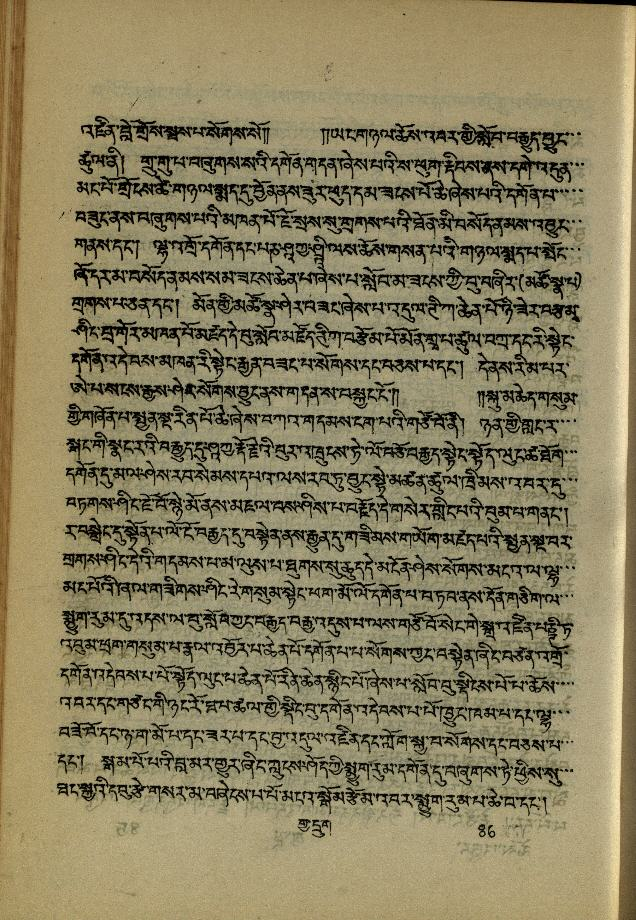འཛིན་བློ་གྲོས་སྤས་པ་སོགས་སོ།། །།ཡང་གཉལ་ཆོས་འབར་གྱི་སློབ་བརྒྱུད་བྱུང་
ཚུལ་ནི། གྲུ་གུ་པ་བཞུགས་སའི་དགོན་གདན་ཞེས་པའི་ས་ཕུག་རྡིབས་ནས་དགེ་འདུན་
མང་པོ་གྲོངས་ཚེ་གཉལ་སྨད་དུ་བྱོན་ནས་ཟུར་ཕུད་དམ་ཟངས་པོ་ཆེ་ཞེས་པའི་དགོན་པ་
བཟུང་ནས་བཞུགས་པའི་མཁན་པོ་ཇོ་སྲས་སུ་གྲགས་པའི་ཐོན་མི་བསོད་ནམས་འབྱུང་
གནས་དང་། ལྷ་འགྲོ་དགོན་དང་པཎ་ཤཱཀྱ་ཤྲཱི་ལས་ཆོས་གསན་པའི་གཉལ་སྨད་པ་སྤོང་
ཞོ་དར་མ་བསོད་ནམས་སམ་ཟངས་ཆེན་པ་ཟེས་པ་སློབ་མ་ཟངས་ཀྱི་བུ་བཞིར་མཚོ་སྣ་པ་
གྲགས་པ་ཅན་དང་། མོན་གྱི་མཚོ་སྣ་ཤེར་བཟང་ཞེས་པ་འདུལ་ཊི་ཀ་ཆེན་པོ་ཉི་ཟེར་བརྩམས་
ཤིང་བྲ་གོར་མཁན་པོ་མཛད་དེ་བུ་སློབ་མཛོད་ཊིཀ་བརྩོམ་པོ་མོན་གྲྭ་པ་ཚུལ་བཀྲ་དང་རི་སྟེང་
དགོན་འདེབས་མཁན་རི་སྟེང་རྒྱན་བཟང་པ་སོགས་དང་བཅས་པ་དང་། དེ་ནས་རིམ་པར་
ཨེ་པ་སངས་རྒྱས་ཤེར་སོགས་བྱུང་ནས་གདན་ས་བསྐྱང་ངོ།། །།སྐུ་མཆེད་གསུམ་
གྱི་གཞོན་པ་སྤྱན་སྔ་རིན་པོ་ཆེ་ཞེས་བཀའ་གདམས་ངག་པའི་གཙོ་བོ་ནི། ཉན་གྱི་གླང་ར་
སྒང་གི་སྣང་རའི་བརྒྱུད་དུ་ཤཱཀྱ་རྡོ་རྗེའི་བུར་འཁྲུངས་ཏེ་ལོ་བཅོ་བརྒྱད་སྟེང་སྟོད་ལུང་ཚ་ཐོག་
དགོན་དུ་མ་ལ་ཤེས་རབ་སེམས་དཔའ་ལས་རབ་ཏུ་བྱུང་སྟེ་མཚན་ཚུལ་ཁྲིམས་འབར་དུ་
བཏགས་ཤིང་ཇོ་བོ་སྙེ་མོ་ནས་མཇལ་བས་ཤིས་པ་བརྗོད་དེ་གསེར་གླིང་པའི་བུམ་པ་གནང་།
ར་བསྒྲེང་དུ་སྟོན་པ་ལོ་ངོ་བརྒྱད་དུ་བསྟེན་ནས་རྒྱུན་དུ་གཟིམས་གཡོག་མཛད་པའི་སྤྱན་སྔ་བར་
གྲགས་ཤིང་དེའི་གདམས་པ་མ་ལུས་པ་ཐུགས་སུ་ཆུད་དེ་མངོན་ཤེས་སོགས་མངའ་ལ་ལྷ་
མང་པོའི་ཞལ་གཟིགས་ཤིང་རེ་གསུམ་སྟེང་ཕག་མོ་ལོ་དགོན་པ་བཏབ་ནས་དོང་ཅིག་ལ་
སྨྱུག་རུམ་དུ་འདས་ལ་བུ་སློབ་ཀྱང་བརྒྱད་བརྒྱ་འདུས་པ་ལས་གཙོ་བོ་སེང་གི་སྒྲ་འཛིན་པཎྜི་ཏ་
འབུམ་ཕྲག་གསུམ་པ་རྣལ་འབོར་པ་ཆེན་པ་དགོན་པ་པ་སོགས་ཀྱང་བསྟེན་ཞིང་བཙན་འགྲོ་
དགོན་འདེབས་པ་པོ་སྟོད་ལུང་པ་ཆེན་པོ་རིན་ཆེན་སྙིང་པོ་ཞེས་པ་སློབ་བུ་སྡིངས་པ་པ་ཆོས་
འབར་དང་གཙང་གི་ཉང་རོ་ཐ་པ་ཚལ་གྱི་སྡིང་བུ་དགོན་འདེབས་པ་པོ་ཁྱུང་ཁམ་པ་དང་ལྷ་
བཟོ་བོ་དང་ཉ་ག་མོ་པ་དང་ཟར་པ་དང་བྱ་འདུལ་འཛིན་དང་ཀློག་སྐྱ་བ་སོགས་དང་བཅས་པ་
དང་། སྒམ་པོ་པའི་བླ་མར་གྱུར་ཞིང་ཀླུངས་ཤོད་ཀྱི་སྨྱུག་རུམ་དགོན་དུ་བཞུགས་ཏེ་ཕྱིས་སུ་
ཐང་སྐྱའི་དབུ་རྩེ་གསར་མ་བཞེངས་པ་པོ་མངའ་སྒོམ་རྩོམ་འབར་སྨྱུག་རུམ་པ་ཆེ་བ་དང་།